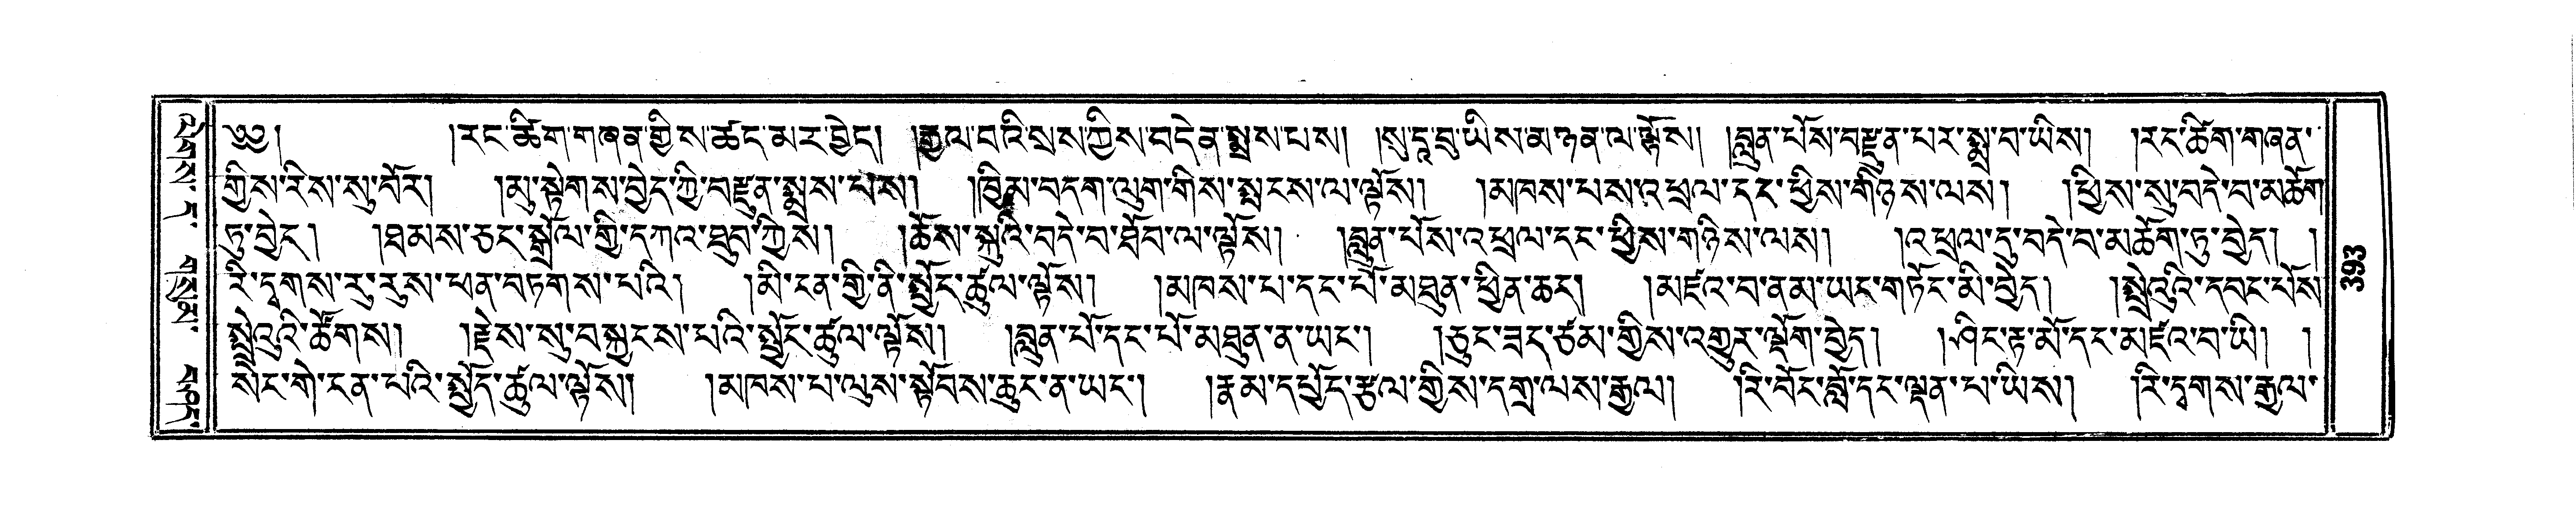༄༅། །རང་ཚིག་གཞན་གྱིས་ཚད་མར་བྱེད། །རྒྱལ་བའི་སྲས་ཀྱིས་བདེན་སྨྲས་པས། །སུ་དཱ་བུ་ཡིས་མཉན་ལ་ལྟོས། །བླུན་པོས་བརྫུན་པར་སྨྲ་བ་ཡིས། །རང་ཚིག་གཞན་
གྱིས་རིས་སུ་བོར། །མུ་སྟེགས་བྱེད་ཀྱི་བརྫུན་སྨྲས་པས། །ཁྱིམ་བདག་ལུག་གིས་སྤངས་ལ་ལྟོས། །མཁས་པས་འཕྲལ་དང་ཕྱིས་གཉིས་ལས། །ཕྱིས་སུ་བདེ་བ་མཆོག་
ཏུ་བྱེད། །ཐམས་ཅད་སྒྲོལ་གྱི་དཀའ་ཐུབ་ཀྱིས། །ཆོས་སྐུའི་བདེ་བ་ཐོབ་ལ་ལྟོས། །བླུན་པོས་འཕྲལ་དང་ཕྱིས་གཉིས་ལས། །འཕྲལ་དུ་བདེ་བ་མཆོག་ཏུ་བྱེད། །
རི་དྭགས་རུ་རུས་ཕན་བཏགས་པའི། །མི་ངན་གྱི་ནི་སྤྱོད་ཚུལ་ལྟོས། །མཁས་པ་དང་པོ་མཐུན་ཕྱིན་ཆད། །མཛའ་བ་ནམ་ཡང་གཏོང་མི་བྱེད། །སྤྲེའུའི་དབང་པོས་
སྤྲེའུའི་ཚོགས། །རྗེས་སུ་བསྐྱངས་པའི་སྦྱོང་ཚུལ་ལྟོས། །བླུན་པོ་དང་པོ་མཐུན་ན་ཡང་། །ཅུང་ཟད་ཙམ་གྱིས་འགྱུར་ལྡོག་བྱེད། །ཤིང་རྟ་མོ་དང་མཛའ་བ་ཡི། །
སེང་གེ་ངན་པའི་སྤྱོད་ཚུལ་ལྟོས། །མཁས་པ་ལུས་སྟོབས་ཆུང་ན་ཡང་། །རྣམ་དཔྱོད་རྩལ་གྱིས་དགྲ་ལས་རྒྱལ། །རི་བོང་བློ་དང་ལྡན་པ་ཡིས། །རི་དྭགས་རྒྱལ་